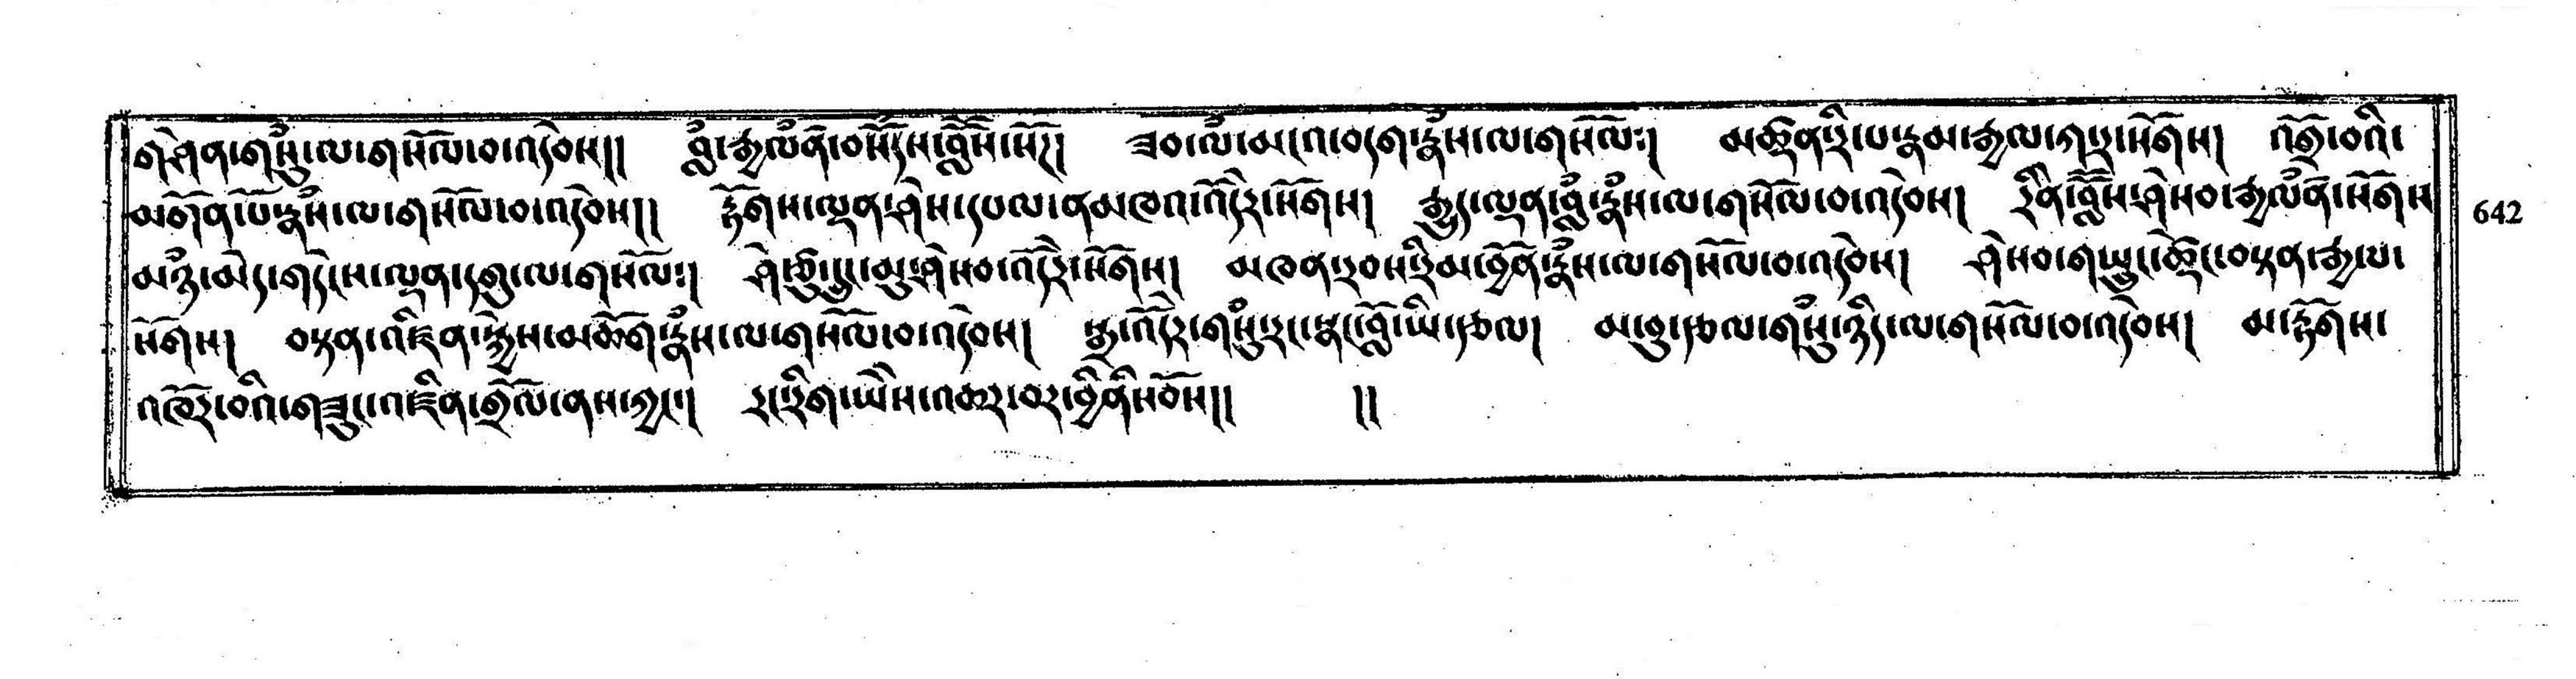གཤེན་གསུམ་ལ་གསོལ་བ་འདེབས།། བླ་མ་རྒྱལ་མཚན་བསོད་ནམས་བློ་གྲོས་སོགས། ཟབ་ལམ་མངའ་བདག་རྣམས་ལ་གསོལ༴། མཚན་ལྡན་རི་པ་རྣམ་རྒྱལ་ཀ་ར་སོགས། འགྲོ་བའི་
མགོན་པོ་རྣམས་ལ་གསོལ་བ་འདེབས།། རྟོགས་ལྡན་ཤེས་དཔལ་ནམ་མཁའ་འོད་ཟེར་སོགས། རྒྱུད་ལྡན་བླ་མ་རྣམས་ལ་གསོལ་བ་འདེབས། རིན་ཆེན་བློ་གྲོས་ཤེས་རབ་རྒྱལ་མཚན་སོགས། 
མཉམ་མེད་གདེངས་ལྡན་དགུ་ལ་གསོལ༴། ཤེ་ཙུ་དྲུང་མུ་ཤེས་རབ་འོད་ཟེར་སོགས། མཁན་རབས་རིམ་བྱོན་རྣམས་ལ་གསོལ་བ་འདེབས། ཤེས་རབ་གཡུང་དྲུང་ཚེ་དབང་བསྟན་རྒྱལ་
སོགས། བསྟན་འཛིན་སྐྱེས་མཆོག་རྣམས་ལ་གསོལ་བ་འདེབས། སྒྲ་འོད་ཟེར་གསུམ་རང་སྣང་བློ་ཡི་རྩལ། མ་བུ་རྩལ་གསུམ་ཉིད་ལ་གསོལ་བ་འདེབས། མ་རྟོགས་
འཁོར་བའི་གཟུང་འཛིན་གྲོལ་ནས་ཀྱང་། རང་རིག་ཡེ་ཤེས་འཆར་བར་བྱིན་གྱིས་རློབས།། །།